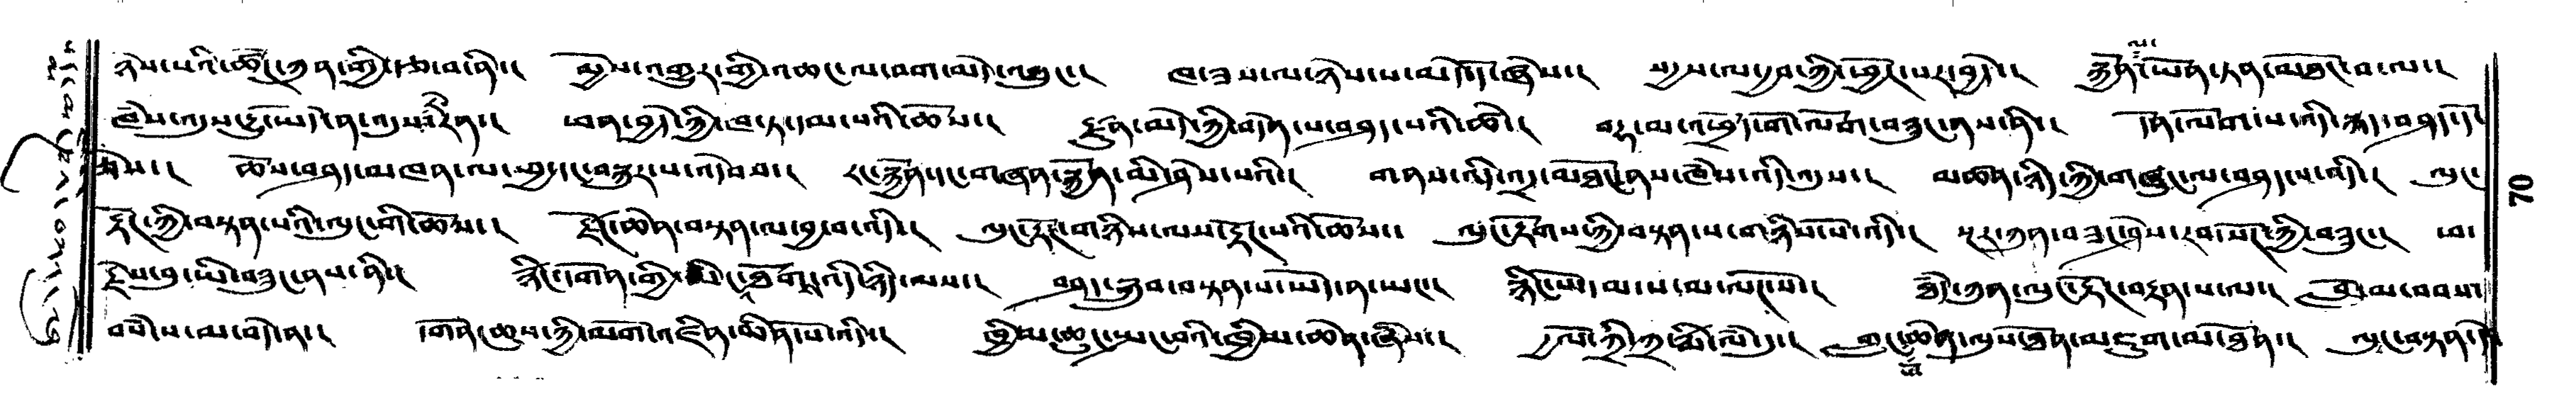།ཉེས་པའི་ཚོགས་ཀུན་གྱི་རྩ་བ་ནི། །མྱོས་འགྱུར་གྱི་ཆང་ལ་བག་མེད་འཐུང་། ཁ་ཟས་ལ་ཉེས་པ་མེད་དོ་ཞེས། །སངས་རྒྱས་ལ་རྒྱབ་ཀྱི་ཕྱོགས་པར་བྱེད། །སྐྱོན་ལ་ཡོན་ཏན་མཐོང་བ་ལ། 
ཁམས་འདུས་རྒྱུ་ཡོད་ན་འདུས་རེ་རན། །ཕན་བྱེད་ཀྱི་ཁ་ཏ་དམ་པའི་ཆོས། །རྫུན་མེད་ཀྱི་བདེན་པ་བཤད་པའི་ཚེ། །བརྡ་མ་འཕྲོད་གོ་ལོག་བཟུང་ནས་ནི། །དོན་ལོག་པ་འདི་སྐད་བཤད་དོ་
ཅེས། །ཆོས་བཤད་མཁན་ལ་ཕྱ་དང་སྐུར་པ་འདེབས། །རང་སྐྱོན་དང་གཞན་སྐྱོན་མི་ཤེས་པའི། །གནས་འདི་འདྲ་མཐོང་ནས་ཁམས་འདི་འདུས། །མཚན་ཉིད་ཀྱི་གཞུང་ལ་བཤད་པ་འདི། །ལུང་
རྟོགས་ཀྱི་བསྟན་པའི་ལུང་གི་ཆོས། །རྫོགས་ཆེན་བསྟན་ལ་བྱ་བ་འདི། །ལུང་རྟོགས་གཉིས་ལས་རྟོགས་པའི་ཆོས། །ལུང་རྟོགས་ཀྱི་བསྟན་པ་གཉིས་པོ་འདི། །སྔར་ཀུན་བཟང་ཤེས་རབ་སོགས་ཀྱིས་བཟུང་། །ཕ་
རྗེས་བུ་ཡིས་བཟུང་ནས་ནི། །རྙིང་དགོན་གྱི་མིང་ཐོགས་འདི་ཉིད་ལ། །བཤད་སྒྲུབ་བསྟན་པ་ཡོད་ན་ཡང་། །སྙིང་པོ་དམ་པ་མ་ལགས་སོ། །ཐམས་ཅད་ཀུན་ལུང་རྟོགས་བསྟན་པ་ལ། །བློ་མ་བབས་
བསམ་པ་མ་བདེ་ན། །དགོན་ཆུས་ཀྱི་མགོ་འཛིན་ཆེན་པོ་འདི། ཁྱིམ་ཆུང་སྤང་བའི་ཁྱིམ་ཆེན་ཞེས། །རྒྱལ་པོ་ཀྲི་ཀྲའི་རྨི་ལམ་དུ། །གླང་པོ་ཆེ་ལུས་ཐོན་མཇུག་མ་ཐོན། །ལུང་བསྟན་དེ་